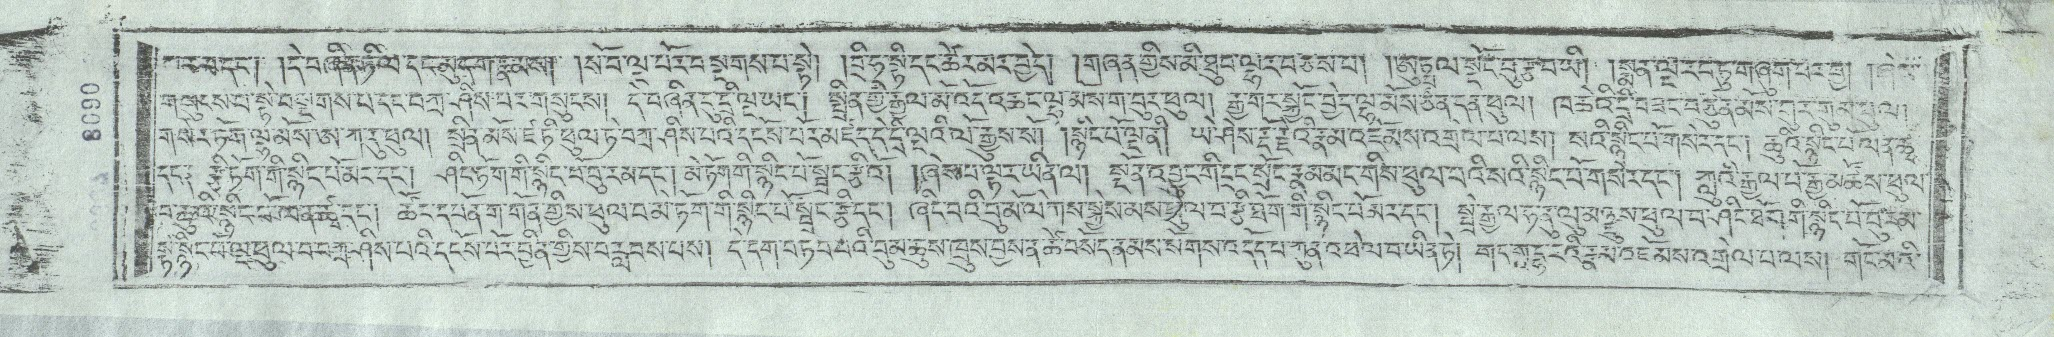?་ནམ་དང་། །དེ་བཞིན་ཏིལ་དང་མུ་དག་རྣམས། །སོ་བ་ལྔ་པོར་བསྔགས་པ་སྟེ། །བྲི་ཧ་སྟི་དང་ཚེར་མར་བྱེད། །གཞན་གྱིས་མི་ཐུབ་ལྷར་བཅས་པ། །ཨུཏྤལ་སྡོང་བུ་རྩ་བ་ཡི། །སྨན་ལྔ་རབ་ཏུ་གཞུག་པར་བྱ། །ཞེས་
གསུངས་པ་སྟེ་བསྔགས་པ་དང་བཀྲ་ཤིས་པར་གསུངས། དེ་བཞིན་དུ་དྲི་ལྔ་ཡང་། སྤྲིན་གྱི་རྒྱལ་མོ་འོད་འཆང་ལྷ་མོས་ག་བུར་ཕུལ། །རྒྱ་གར་སྐྱོང་བྱེད་ལྷ་མོས་ཙན་དན་ཕུལ། ཁ་ཆེའི་དྲི་བཟང་བཙུན་མོས་གུར་གུམ་ཕུལ།
གསེར་ཏོག་ལྷ་མོས་ཨ་ཀ་རུ་ཕུལ། ?།མོས་ཛ་ཏི་ཕུལ་ཏེ་བཀྲ་ཤིས་པའི་དངོས་པོར་མཛད་དེ་དྲི་ལྔའི་ལོ་རྒྱུས་སོ། །སྙིང་པོ་ལྔ་ནི། ཡེ་ཤེས་རྡོ་རྗེའི་རྣམ་འཇོམས་འགྲེལ་པ་ལས། སའི་སྙིང་པོ་གསེར་དང་། ཆུའི་སྙིང་པོ་ལན་ཚྭ་
དང༑ རྩི་ཏོག་གི་སྙིང་པོ་མང་དང་། ཤིང་ཏོག་གི་སྙིང་པོ་བུར་མ་དང་། མེ་ཏོག་གི་སྙིང་པོ་སྦྲང་རྩིའོ། །ཞེས་པ་ལྟར་ཡིན་ལ། སྔོན་འབྱུང་གི་དྲང་སྲོང་རྣམ་མང་གིས་ཕུལ་པའི་སའི་སྙིང་པོ་གསེར་དང་། ཀླུའི་རྒྱལ་པོ་རྒྱ་མཚོས་ཕུལ་
པ་ཅུའི་སྙིང་པོ་ལན་ཚྭ་དང་། ཚོ་དཔོན་ག་གོན་ཀྱིས་ཕུལ་བ་མེ་ཏོག་གི་སྙིང་པོ་སྦྲང་རྩི་དང་། ཞིང་བའི་བུ་མོ་ལེ་ཀས་སྐྱེས་མས་ཕུལ་བ་རྩི་ཐོག་གི་སྙིང་པོ་མར་དང་། སྤྲེ་རྒྱལ་ཏ་ནུ་ལུ་མཉྫུས་ཕུལ་བ་ཤིང་ཐོག་གི་སྙིང་པོ་བུར་མ་
སྟེ་སྙིང་པོ་ལྔ་ཕུལ་བ་བཀྲ་ཤིས་པའི་དངོས་པོར་བྱིན་གྱིས་བརླབས་པས། དེ་དག་བཏབ་པའི་བུམ་ཆུས་ཁྲུས་བྱས་ན་ཚེ་བསོད་ནམས་སོགས་འདོད་པ་ཀུན་འཕེལ་བ་ཡིན་ཏེ། གང་གཱ་དྷ་རའི་རྣམ་འཇོམས་འགྲེལ་པ་ལས། གོང་མའི་